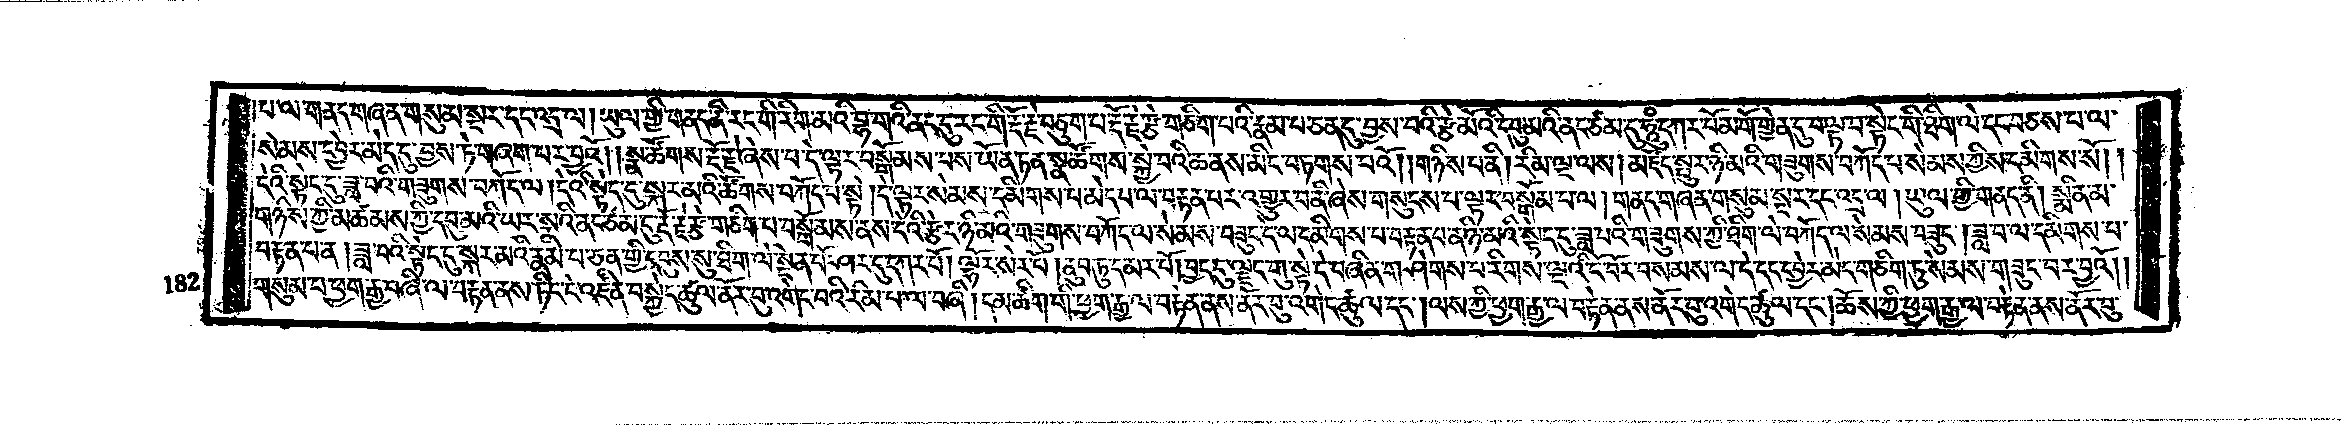པ་ལ་གནད་གཞན་གསུམ་སྔར་དང་འདྲ་ལ། ཡུལ་ཀྱི་གནད་ནི་རང་གི་རིག་མའི་བྷ་གའི་ནང་དུ་རང་གི་རྡོ་རྗེ་བཅུག་པ་རྡོ་རྗེ་རྩེ་གཅིག་པའི་རྣམ་པ་ཅན་དུ་བྱས་པའི་རྩེ་མོའི་དབུ་མའི་ནང་ཙམ་དུ་ཧཱུཾ་དཀར་པོ་མགོ་གྱེན་དུ་བལྟ་བ་སྟེང་གི་ཐིག་ལེ་དང་བཅས་པ་ལ་
སེམས་དབྱེར་མེད་དུ་བྱས་ཏེ་གཞག་པར་བྱའོ། །སྣ་ཚོགས་རྡོ་རྗེ་ཞེས་པ་དེ་ལྟར་བསྒོམས་པས་ཡོན་ཏན་སྣ་ཚོགས་སྐྱེ་བའི་ཆ་ནས་མིང་བཏགས་པའོ། །གཉིས་པ་ནི། རིམ་ལྔ་ལས། མཛོད་སྤུར་ཉི་མའི་གཟུགས་བཀོད་པ་སེམས་ཀྱིས་དམིགས་སོ། །
དེའི་སྟེང་དུ་ཟླ་བའི་གཟུགས་བཀོད་ལ། དེའི་སྟེང་དུ་སྐར་མའི་ཚོགས་བཀོད་པ་སྟེ། དེ་ལྟར་སེམས་དམིགས་པ་མེད་པ་ལ་བརྟན་པར་འགྱུར་བ་ནི་ཞེས་གསུངས་པ་ལྟར་བསྒོམ་པ་ལ། གནད་གཞན་གསུམ་སྔར་དང་འདྲ་ལ། ཡུལ་གྱི་གནད་ནི། སྨིན་མ་
གཉིས་ཀྱི་མཚམས་ཀྱི་དབུ་མའི་ཡར་སྣའི་ནང་ཙམ་དུ་རྡོ་རྗེ་རྩེ་གཅིག་པ་བསྒོམས་ནས་དེའི་རྩེར་ཉི་མའི་གཟུགས་བཀོད་ལ་སེམས་བཟུང་དེ་ལ་དམིགས་པ་བརྟན་པ་ན་ཉི་མའི་སྟེང་དུ་ཟླ་བའི་གཟུགས་ཀྱི་ཐིག་ལེ་བཀོད་ལ་སེམས་བཟུང་། ཟླ་བ་ལ་དམིགས་པ་
བརྟན་པ་ན། ཟླ་བའི་སྟེང་དུ་སྐར་མའི་རྣམ་པ་ཅན་གྱི་དབུས་སུ་ཐིག་ལེ་སྔོན་པོ་ཤར་དུ་དཀར་པོ། ལྷོར་སེར་པོ། ནུབ་ཏུ་དམར་པོ། བྱང་དུ་ལྗང་གུ་སྟེ་དེ་བཞིན་གཤེགས་པ་རིགས་ལྔའི་ངོ་བོར་བསམས་ལ་དེ་དང་དབྱེར་མེད་གཅིག་ཏུ་སེམས་གཟུང་བར་བྱའོ། །
གསུམ་པ་ཕྱག་རྒྱ་བཞི་ལ་བརྟན་ནས་ཏིང་ངེ་འཛིན་བསྐྱེད་ཚུལ་ནོར་བུ་འགེང་བའི་རིམ་པ་ལ་བཞི། དམ་ཚིག་གི་ཕྱག་རྒྱ་ལ་བརྟེན་ནས་ནོར་བུ་འགེང་ཚུལ་དང་། ལས་ཀྱི་ཕྱག་རྒྱ་ལ་བརྟེན་ནས་ནོར་བུ་འགེང་ཚུལ་དང་། ཆོས་ཀྱི་ཕྱག་རྒྱ་ལ་བརྟེན་ནས་ནོར་བུ་